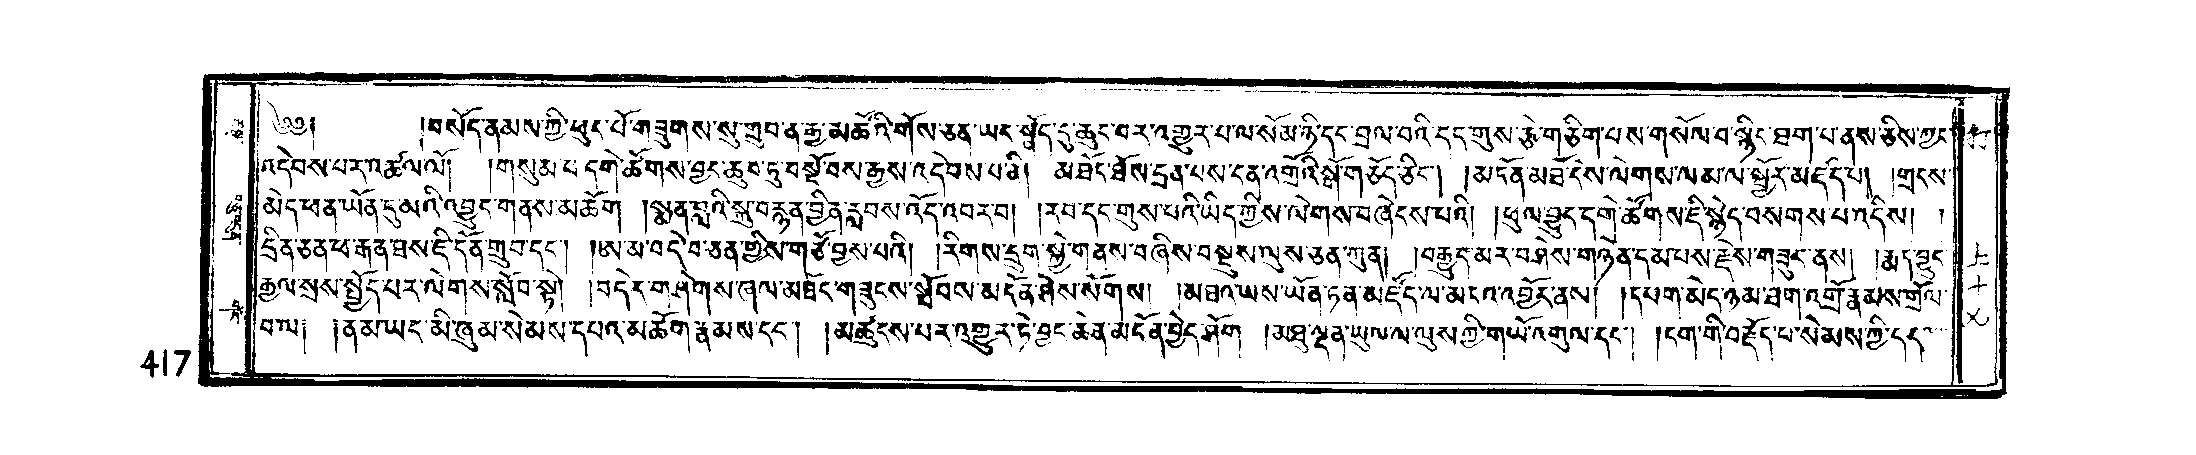༄༅། །བསོད་ནམས་ཀྱི་ཕུང་པོ་གཟུགས་སུ་གྲུབ་ན་རྒྱ་མཚོའི་གོས་ཅན་ཡང་སྣོད་དུ་ཆུང་བར་འགྱུར་པ་ལ་སོམ་ཉི་དང་བྲལ་བའི་དད་གུས་རྩེ་གཅིག་པས་གསོལ་བ་སྙིང་ཐག་པ་ནས་ཅིས་ཀྱང་
འདེབས་པར་འཚལ་ལོ། །གསུམ་པ་དགེ་ཚོགས་བྱང་ཆུབ་ཏུ་བསྔོ་བས་རྒྱས་འདེབས་པ་ནི། མཐོང་ཐོས་དྲན་པས་ངན་འགྲོའི་སྒོ་གཅོད་ཅིང་། །མངོན་མཐོ་ངེས་ལེགས་ལམ་ལ་སྦྱོར་མཛད་པ། །གྲངས་
མེད་ཕན་ཡོན་དུ་མའི་འབྱུང་གནས་མཆོག །སྨན་བླའི་སྐུ་བརྙན་བྱིན་རླབས་འོད་འབར་བ། །རབ་དང་གུས་པའི་ཡིད་ཀྱིས་ལེགས་བཞེངས་པའི། །ཕུལ་བྱུང་དགེ་ཚོགས་ཇི་སྙེད་བསགས་པ་འདིས། །
དྲིན་ཅན་ཕ་རྒན་ཐས་ཇི་དོན་གྲུབ་དང་། །ཨ་མ་བདེ་བ་ཅན་གྱིས་གཙོ་བྱས་པའི། །རིགས་དྲུག་སྐྱེ་གནས་བཞིས་བསྡུས་ལུས་ཅན་ཀུན། །བརྒྱུད་མར་བཤེས་གཉེན་དམ་པས་རྗེས་གཟུང་ནས། །རྨད་བྱུང་
རྒྱལ་སྲས་སྤྱོད་པར་ལེགས་སློབ་སྟེ། །བདེར་གཤེགས་ཞལ་མཐོང་གཟུངས་སྤོབས་མངོན་ཤེས་སོགས། །མཐའ་ཡས་ཡོན་ཏན་མཛོད་ལ་མངའ་འབྱོར་ནས། །དཔག་མེད་ཉམ་ཐག་འགྲོ་རྣམས་གྲོལ་
བ་ལ། །ནམ་ཡང་མི་ཞུམ་སེམས་དཔའ་མཆོག་རྣམས་དང་། །མཚུངས་པར་འགྱུར་ཏེ་བྱང་ཆེན་མངོན་བྱེད་ཤོག །མཐུ་ལྡན་ཡུལ་ལ་ལུས་ཀྱི་གཡོ་འགུལ་དང་། །ངག་གི་བརྗོད་པ་སེམས་ཀྱི་དད་